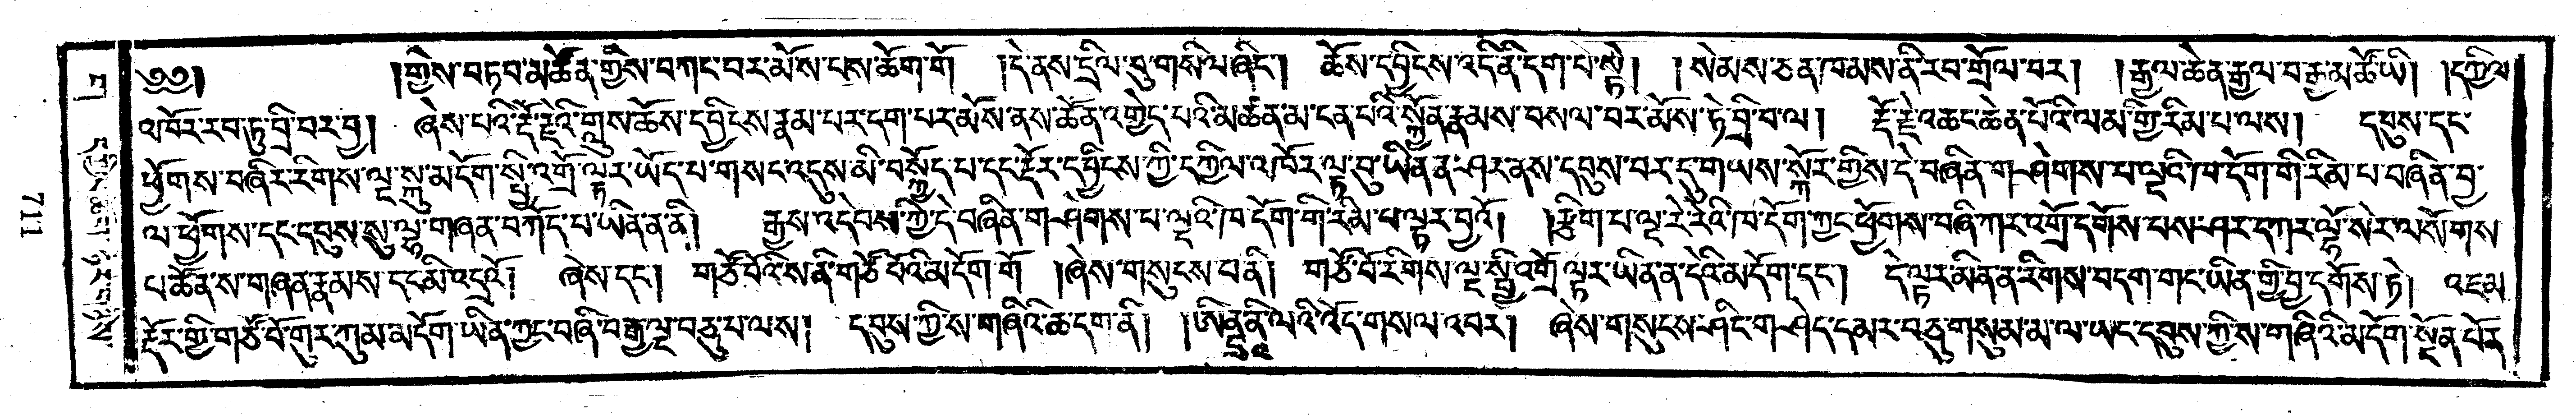༄༅། །གྱིས་བཏབ་མཚོན་གྱིས་བཀང་བར་མོས་པས་ཆོག་གོ །དེ་ནས་དྲིལ་བུ་གསིལ་ཞིང་། ཆོས་དབྱིངས་འདི་ནི་དག་པ་སྟེ། །སེམས་ཅན་ཁམས་ནི་རབ་གྲོལ་བར། །རྒྱལ་ཆེན་རྒྱལ་བ་རྒྱ་མཚོ་ཡི། །དཀྱིལ་
འཁོར་རབ་ཏུ་བྲི་བར་བྱ། ཞེས་པའི་རྡོ་རྗེའི་གླུས་ཆོས་དབྱིངས་རྣམ་པར་དག་པར་མོས་ནས་ཚོན་འགྱེད་པའི་མཚན་མ་ངན་པའི་སྐྱོན་རྣམས་བསལ་བར་མོས་ཏེ་བྲི་བ་ལ། རྡོ་རྗེ་འཆང་ཆེན་པོའི་ལམ་གྱི་རིམ་པ་ལས། དབུས་དང་
ཕྱོགས་བཞིར་རིགས་ལྔ་སྐུ་མདོག་སྤྱི་འགྲོ་ལྟར་ཡོད་པ་གསང་འདུས་མི་བསྐྱོད་པ་དང་རྡོར་དབྱིངས་ཀྱི་དཀྱིལ་འཁོར་ལྟ་བུ་ཡིན་ན་ཤར་ནས་དབུས་བར་དུ་གཡས་སྐོར་གྱིས་དེ་བཞིན་གཤེགས་པ་ལྔའི་ཁ་དོག་གི་རིམ་པ་བཞིན་བྱ་
ལ་ཕྱོགས་དང་དབུས་སུ་ལྷ་གཞན་བཀོད་པ་ཡིན་ན་ནི། རྒྱས་འདེབས་ཀྱི་དེ་བཞིན་གཤེགས་པ་ལྔའི་ཁ་དོག་གི་རིམ་པ་ལྟར་བྱའོ། །རྩིག་པ་ལྔ་རེ་རེའི་ཁ་དོག་ཀྱང་ཕྱོགས་བཞི་ཀར་འགྲོ་དགོས་པས་ཤར་དཀར་ལྷོ་སེར་ལ་སོགས་
པ་ཚོན་ས་གཞན་རྣམས་དང་མི་འདྲའོ། ཞེས་དང་། གཙོ་བོའི་ས་ནི་གཙོ་བོའི་མདོག་གོ །ཞེས་གསུངས་བ་ནི། གཙོ་བོ་རིགས་ལྔ་སྤྱི་འགྲོ་ལྟར་ཡིན་ན་དེའི་མདོག་དང་། དེ་ལྟར་མིན་ན་རིགས་བདག་གང་ཡིན་གྱི་བྱ་དགོས་ཏེ། འཇམ་
རྡོར་གྱི་གཙོ་བོ་གུར་ཀུམ་མདོག་ཡིན་ཀྱང་བཞི་བརྒྱ་ལྔ་བཅུ་པ་ལས། དབུས་ཀྱི་ས་གཞིའི་ཆ་དག་ནི། །ཨིནྡྲ་ནཱི་ལའི་འོད་གསལ་འབར། ཞེས་གསུངས་ཤིང་གཤེད་དམར་བཅུ་གསུམ་མ་ལ་ཡང་དབུས་ཀྱི་ས་གཞིའི་མདོག་སྔོན་པོར་